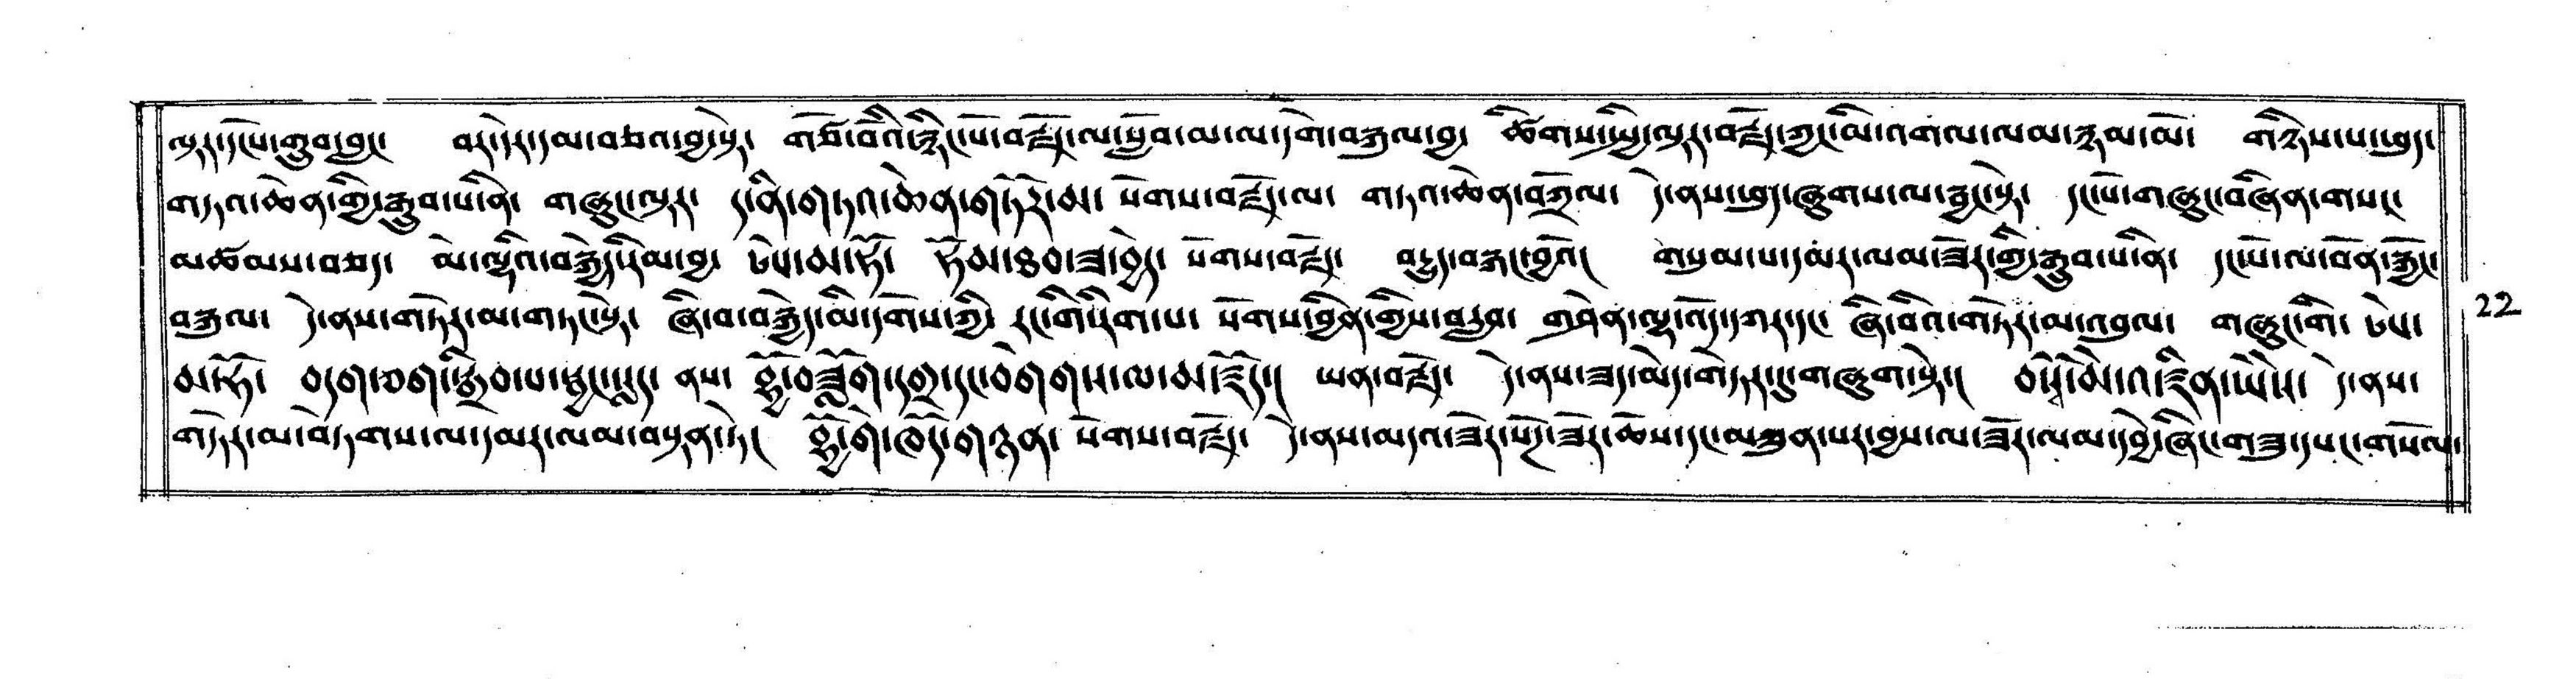ལྟར་དངོས་གྲུབ་བླང་། བར་དེར་དམ་བཅའ་བྱ་སྟེ། གཙོ་བོའི་སྙིང་པོ་བརྗོད་ལ་སློབ་མ་ལ་དགེ་བསྐུལ་བྱ། ཚིག་སྤྱི་ལྟར་བརྗོད་ཀྱང་མི་འགལ་ལམ་སྙམ་མོ། གཉིས་པ་ཕུད་
གཏའ་ཆེན་གྱི་སྒྲུབ་པ་ནི། གཞུང་ལྟར། ད་ནི་གཏའ་ཆེན་གཏོར་མ། སོགས་བརྗོད་ལ། གཏའ་ཆེན་བཀྲོལ། དེ་ནས་ཕུད་ཞུགས་ལ་སྦྱང་སྟེ། དང་པོ་གཞུང་བཞིན་གསང་
མཚམས་བཅད། མེ་ལྷའི་བསྐྱེད་རིམ་བྱ། ཨེ་མ་ཧོ། ཧོམ་ཐབ་ཟ་བྱེད། སོགས་བརྗོད། བརྒྱུད་བསྐང་བྱའོ། གསུམ་པ་དམར་ལམ་ཟོར་གྱི་སྒྲུབ་པ་ནི། དང་པོ་ལ་བོན་སྐྱོང་
བསྐུལ། དེ་ནས་གཏོར་མ་གཏང་སྟེ། ཞི་བ་བསྐྱེད་མི་དགོས་ཀྱི། རང་གི་རིག་པ། སོགས་བྱིན་གྱིས་བརླབ། གཤེན་ལྷ་འོད་དཀར་དང་། ཞི་བའི་གཏོར་མ་འབུལ། གཞུང་གི། ཨེ་
མ་ཧོ། བདག་ཅག་སྒྲིབ་པ་སྦྱང་སླད། ནས། བྷྱོ་བཟློག་དགྲ་དང་བགེགས་ལ་མཛོད། ཡན་བརྗོད་དེ་ནས་ཟད་མེད་གཏེར་དུ་གཞུག་སྟེ། བསྭོ་མེ་འཛིན་ཡེ་ཤེས། དེ་ནས་
གཏོར་མ་བཏེགས་ལ་དམར་ལམ་བསྟན་ཏེ། བྷྱོ་གེ་ཁོད་གཉན་སོགས་བརྗོད་དེ་ནས་མདའ་ཟེར་སོགས་ཟོར་ཆོས་དང་མཐུན་པར་བྱས་ལ་ཟོར་ལམ་དབྱེ་ཞིང་གཟུ་དཔང་གསོལ་